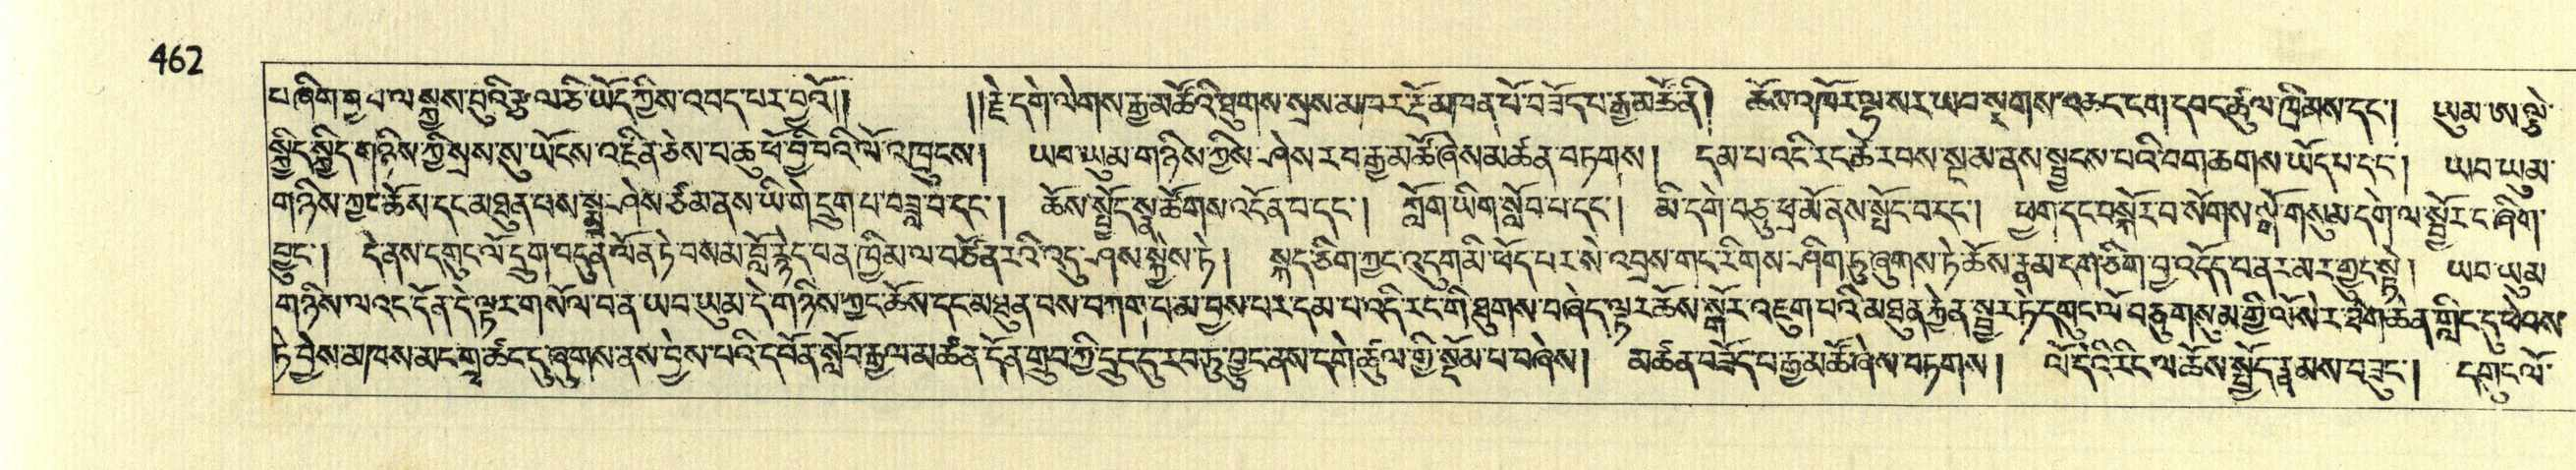པ་ཞིག་བྱ་བ་ལ་སྐྱས་བུའི་རྩལ་ཅི་ཡོད་ཀྱིས་འབད་པར་བྱའོ།། །།རྗེ་དགེ་ལེགས་རྒྱ་མཚོའི་ཐུགས་སྲས་མཁར་རྡོ་མཁན་པོ་བཟོད་པ་རྒྱ་མཚོ་ནི། ཆོས་འཁོར་ལྷ་སར་ཡབ་སྔགས་འཆང་ངག་དབང་ཚུལ་ཁྲིམས་དང་། ཡུམ་ཨ་ལྕེ་
སྐྱིད་སྐྱིད་གཉིས་ཀྱི་སྲས་སུ་ཡོངས་འཛིན་ཅེས་པ་ཆུ་ཕོ་བྱི་བའི་ལོ་འཁྲུངས། ཡབ་ཡུམ་གཉིས་ཀྱིས་ཤེས་རབ་རྒྱ་མཚོ་ཞེས་མཚན་བཏགས། དམ་པ་འདི་རང་ཚེ་རབས་སྔ་མ་ནས་སྦྱངས་པའི་བག་ཆགས་ཡོད་པ་དང་། ཡབ་ཡུམ་
གཉིས་ཀྱང་ཆོས་དང་མཐུན་པས་སྨྲ་ཤེས་ཙམ་ནས་ཡི་གེ་དྲུག་པ་བཟླ་བ་དང་། ཆོས་སྤྱོད་སྣ་ཚོགས་འདོན་བ་དང་། ཀློག་ཡིག་སློབ་པ་དང་། མི་དགེ་བཅུ་ཕྲ་མོ་ནས་སྤོང་བ་དང་། ཕྱག་དང་བསྐོར་བ་སོགས་སྒོ་གསུམ་དགེ་ལ་སྦྱོར་བ་ཞིག་
བྱུང་། དེ་ནས་དགུང་ལོ་དྲུག་བདུན་ལོན་ཏེ་བསམ་བློ་རྙེད་པ་ན་ཁྱིམ་ལ་བཙོན་རའི་འདུ་ཤས་སྐྱེས་ཏེ། སྐད་ཅིག་ཀྱང་འདུག་མི་ཕོད་པར་སེ་འབྲས་གང་རིགས་ཤིག་ཏུ་ཞུགས་ཏེ་ཆོས་རྣམས་དག་ཅིག་བྱ་འདོད་པ་ནར་མར་གྱུང་སྟེ། ཡབ་ཡུམ་
གཉིས་ལའང་དོན་དེ་ལྟར་གསོལ་བ་ན་ཡབ་ཡུམ་དེ་གཉིས་ཀྱང་ཆོས་དང་མཐུན་བས་བཀག་པ་མ་བྱས་པར་དམ་པ་འདི་རང་གི་ཐུགས་བཞེད་ལྟར་ཆོས་སྒོར་འཇུག་པའི་མཐུན་རྐྱེན་སྦྱར་ཏེ་དགུང་ལོ་བཅུ་གསུམ་གྱི་ལོ་སེར་ཐེག་ཆེན་གླིང་དུ་ཕེབས་
ཏེ་བྱེས་མཁས་མང་གྲྭ་ཚང་དུ་ཞུགས་ནས་བྱེས་པའི་དཔོན་སློབ་རྒྱལ་མཚན་དོན་གྲུབ་ཀྱི་དྲུང་དུ་རབ་ཏུ་བྱུང་ནས་དགེ་ཚུལ་གྱི་སྡོམ་པ་བཞེས། མཚན་བཟོད་པ་རྒྱ་མཚོ་ཞེས་བཏགས། ལོ་དེའི་རིང་ལ་ཆོས་སྦྱོད་རྣམས་བཟུང་། དགུང་ལོ་